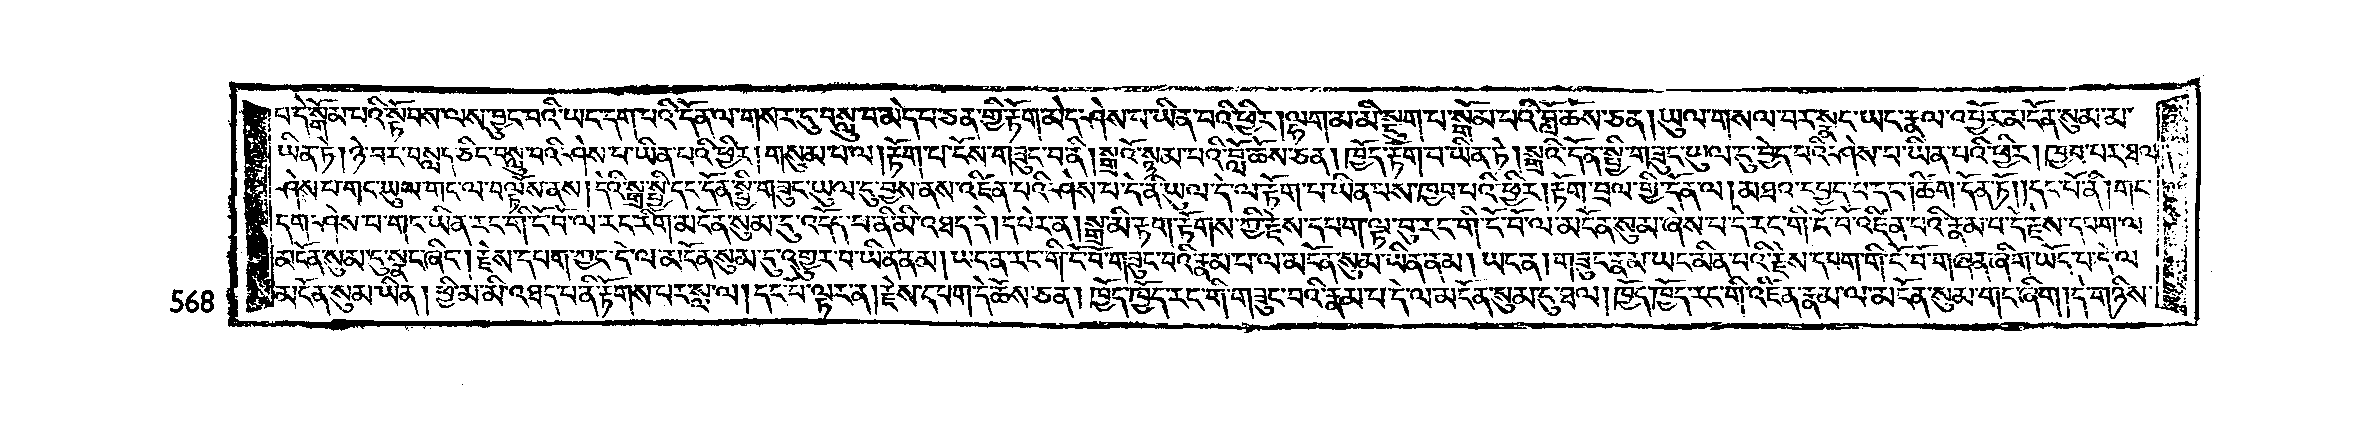པ་དེ་སྒོམ་པའི་སྟོབས་ལས་བྱུང་བའི་ཡང་དག་པའི་དོན་ལ་གསར་དུ་བསླུ་བ་མེད་པ་ཅན་གྱི་རྟོག་མེད་ཤེས་པ་ཡིན་པའི་ཕྱིར། ལྷག་མ་མི་སྡུག་པ་སྒོམ་པའི་བློ་ཆོས་ཅན། ཡུལ་གསལ་བར་སྣང་ཡང་རྣལ་འབྱོར་མངོན་སུམ་མ་
ཡིན་ཏེ། ཉེ་བར་བསླད་ཅིང་བསླུ་བའི་ཤེས་པ་ཡིན་པའི་ཕྱིར། གསུམ་པ་ལ། རྟོག་པ་ངོས་གཟུང་བ་ནི། སྒྲའོ་སྙམ་པའི་བློ་ཆོས་ཅན། ཁྱོད་རྟོག་པ་ཡིན་ཏེ། སྒྲའི་དོན་སྤྱི་གཟུང་ཡུལ་དུ་བྱེད་པའི་ཤེས་པ་ཡིན་པའི་ཕྱིར། ཁྱབ་པར་ཐལ་
ཤེས་པ་གང་ཡུལ་གང་ལ་བལྟོས་ནས། དེའི་སྒྲ་སྤྱི་དང་དོན་སྤྱི་གཟུང་ཡུལ་དུ་བྱས་ནས་འཛིན་པའི་ཤེས་པ་དེ་ནི་ཡུལ་དེ་ལ་རྟོག་པ་ཡིན་པས་ཁྱབ་པའི་ཕྱིར། རྟོག་པྲལ་གྱི་དོན་ལ། མཐའ་དཔྱད་པ་དང་། ཚིག་དོན་ཏོ། །དང་པོ་ནི། གང་
དག་ཤེས་པ་གང་ཡིན་རང་གི་ངོ་བོ་ལ་རང་རིག་མངོན་སུམ་དུ་འདོད་པ་ནི་མི་འཐད་དེ། དཔེར་ན། སྒྲ་མི་རྟག་རྟོགས་ཀྱི་རྗེས་དཔག་ལྟ་བུ་རང་གི་ངོ་བོ་ལ་མངོན་སུམ་ཞེས་པ་དེ་རང་གི་ངོ་བོ་འཛིན་པའི་རྣམ་པ་དེ་རྗེས་དཔག་ལ་
མངོན་སུམ་དུ་སྣད་ཞིང་། རྗེས་དཔག་ཀྱང་དེ་ལ་མངོན་སུམ་དུ་འགྱུར་བ་ཡིན་ནམ། ཡང་ན་རང་གི་ངོ་བོ་གཟུང་བའི་རྣམ་པ་ལ་མངོན་སུམ་ཡིན་ནམ། ཡང་ན། གཟུང་རྣམ་ཡང་མིན་པའི་རྗེས་དཔག་གི་ངོ་བོ་གཞན་ཞིག་ཡོད་པ་དེ་ལ་
མངོན་སུམ་ཡིན། ཕྱི་མ་མི་འཐད་པ་ནི་རྟོགས་པར་སླ་ལ། དང་པོ་ལྟར་ན། རྗེས་དཔག་དེ་ཆོས་ཅན། ཁྱོད་ཁྱོད་རང་གི་གཟུང་བའི་རྣམ་པ་དེ་ལ་མངོན་སུམ་དུ་ཐལ། ཁྱོད་ཁྱོད་རང་གི་འཛིན་རྣམ་ལ་མངོན་སུམ་གང་ཞིག། དེ་གཉིས་